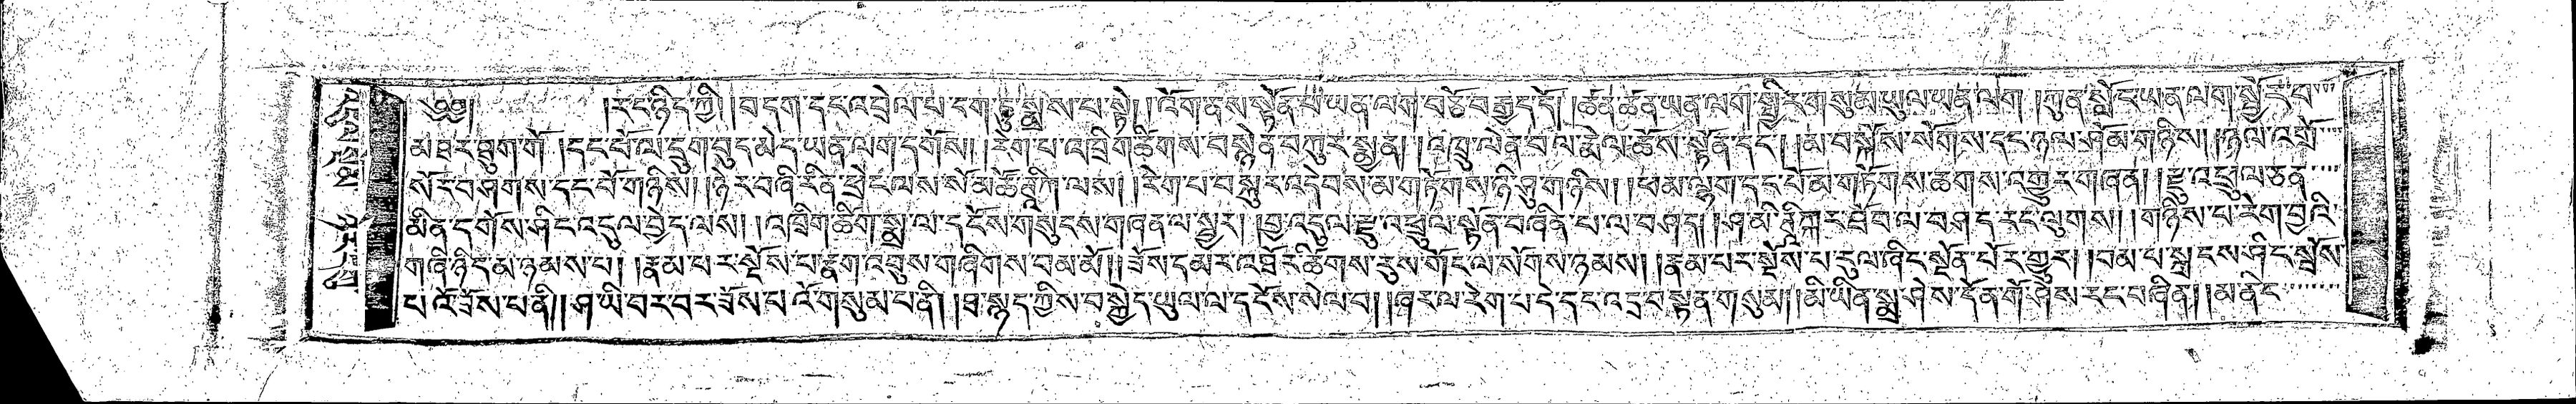༄༅། །རང་ཉིད་ཀྱི། །བདག་དང་འབྲེལ་པ་དག་ཏུ་སྨྲས་པ་སྟེ། །འོག་ནས་སྟོན་པ་ཡན་ལག་བཅོ་བརྒྱད་དོ། །ཚན་ཚན་ཡན་ལག་སྤྱིར་གསུམ་ཡུལ་ཡན་ལག །ཀུན་སློང་ཡན་ལག་སྦྱོར་བ་
མཐར་ཐུག་གོ །དང་པོ་ལ་དྲུག་བུད་མེད་ཡན་ལག་དགོས། །རེག་པ་འཁྲིག་ཚིགས་བསྙེན་བཀུར་སྨྱན། །འཁྲུ་ལེན་བལ་རྨེལ་ཆོས་སྟོན་དང་། །མ་བསྐོས་སོགས་དང་ཉལ་ཤོམ་གཉིས། །ཉལ་འགྲོ་
སོར་བཤགས་དང་པོ་གཉིས། །ཉེར་བཞི་རིན་ཕྲེང་ལས་སོ་མཚོ་ཊཱིཀ་ལས། །རེག་པ་བསྐུར་འདེབས་མ་གཏོགས་ཉི་ཤུ་གཉིས། །ཕམ་ལྷག་དང་པོ་མ་གཏོགས་ཆགས་འགྱུར་གཞན། །རྫུ་འཕྲུལ་ཅན་
མིན་དགོས་ཤིང་འདུལ་བྱེད་ལས། །འཁྲིག་ཚིག་སྨྲ་ལ་དངོས་གསུངས་གཞན་ལ་སྦྱར། །བྱ་འདུལ་རྫུ་འཕྲུལ་སྟོན་བཞིན་པ་ལ་བཤད། །ཤ་མི་ཊཱིཀྐར་ཐོབ་ལ་བཤད་རང་ལུགས། །གཉིས་པ་རེག་བྱའི་
གཞི་ཉིད་མ་ཉམས་པ། །རྣམ་པར་སྔོས་པ་རྣག་འབུས་གཞིགས་བམ་མོ། །ཟོས་དམར་འཐོར་ཚིགས་རུས་གོང་ལ་སོགས་ཉམས། །རྣམ་པར་སྔོས་པ་རུལ་ཞིང་སྔོན་པོར་གྱུར། །བམ་པ་སྐྲངས་ཤིང་སྦོས་པའོ་ཟོས་པ་ནི། །ཤ་ཡི་བར་བར་ཟོས་པའོ་གསུམ་པ་ནི། །ཐ་སྙད་ཀྱིས་བསྐྱེད་ཡུལ་ལ་དངོས་སེལ་བ། །ཞར་ལ་རེག་པ་དེ་དང་འདྲ་བསྟན་གསུམ། །མི་ཡིན་སྨྲ་ཤེས་དོན་གོ་ཤེས་རང་བཞིན། །མ་ནིང་